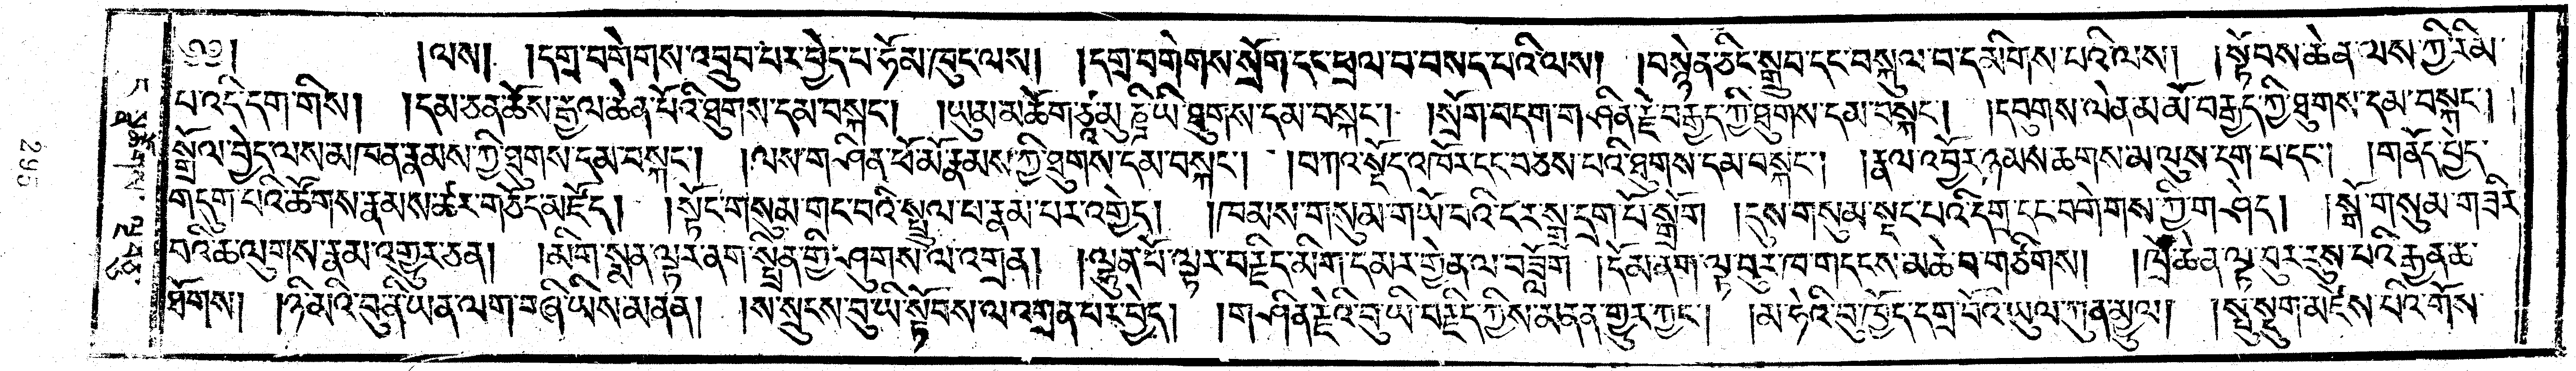༄༅། །ལས། །དགྲ་བགེགས་འབྲུབ་པར་བྱེད་པ་ཧོམ་ཁུང་ལས། །དགྲ་བགེགས་སྲོག་དང་ཕྲལ་བ་བསད་པའི་ལས། །བསྙེན་ཅིང་སྒྲུབ་དང་བསྐུལ་བ་དམིགས་པའི་ལས། །སྟོབས་ཆེན་ལས་ཀྱི་རིམ་
པ་འདི་དག་གིས། །དམ་ཅན་ཆོས་རྒྱལ་ཆེན་པོའི་ཐུགས་དམ་བསྐང་། །ཡུམ་མཆོག་ཙཱ་མུཎྜི་ཡི་ཐུགས་དམ་བསྐང་། །སྲོག་བདག་གཤིན་རྗེ་བརྒྱད་ཀྱི་ཐུགས་དམ་བསྐང་། །དབུགས་ལེན་མ་མོ་བརྒྱད་ཀྱི་ཐུགས་དམ་བསྐང་། །
སྒྲོལ་བྱེད་ལས་མཁན་རྣམས་ཀྱི་ཐུགས་དམ་བསྐང་། །ལས་གཤིན་ཕོ་མོ་རྣམས་ཀྱི་ཐུགས་དམ་བསྐང་། །བཀའ་སྡོད་འཁོར་དང་བཅས་པའི་ཐུགས་དམ་བསྐང་། །རྣལ་འབྱོར་ཉམས་ཆགས་མ་ལུས་དག་པ་དང་། །གནོད་བྱེད་
གདུག་པའི་ཚོགས་རྣམས་ཚར་གཅོད་མཛོད། །སྟོང་གསུམ་གང་བའི་སྤྲུལ་པ་རྣམ་པར་འགྱེད། །ཁམས་གསུམ་གཡོ་བའི་ངར་སྒྲ་དྲག་པོ་སྒྲོག །དུས་གསུམ་སྡང་པའི་དགྲ་དང་བགེགས་ཀྱི་གཤེད། །སྒོ་གསུམ་གཟིར་
བའི་ཆ་ལུགས་རྣམ་འགྱུར་ཅན། །མིག་སྨན་ལྟར་ནག་སྤྲིན་གྱི་ཤུགས་ལ་འགྲན། །ལྷུན་པོ་ལྟར་བརྗིད་མིག་དམར་གྱེན་ལ་བཟློག །དོམ་ནག་ལྟ་བུར་ཁ་གདངས་མཆེ་བ་གཙིགས། །ཁྲོ་ཆེན་ལྟ་བུར་རུས་པའི་རྒྱན་ཆ་
ཐོགས། །ཉི་མའི་བུ་ནི་ཡན་ལག་བཞི་ཡིས་མནན། །ས་སྲུངས་བུ་ཡི་སྟོབས་ལ་འགྲན་པར་བྱེད། །གཤིན་རྗེའི་བུ་ཡི་བརྗིད་ཀྱིས་མནན་གྱུར་ཀྱང་། །མ་ཧེའི་བུ་ཁྱོད་དགྲ་བོའི་ཡུལ་ཀུན་མྱུལ། །སྤུ་སྡུག་མཛེས་པའི་གོས་